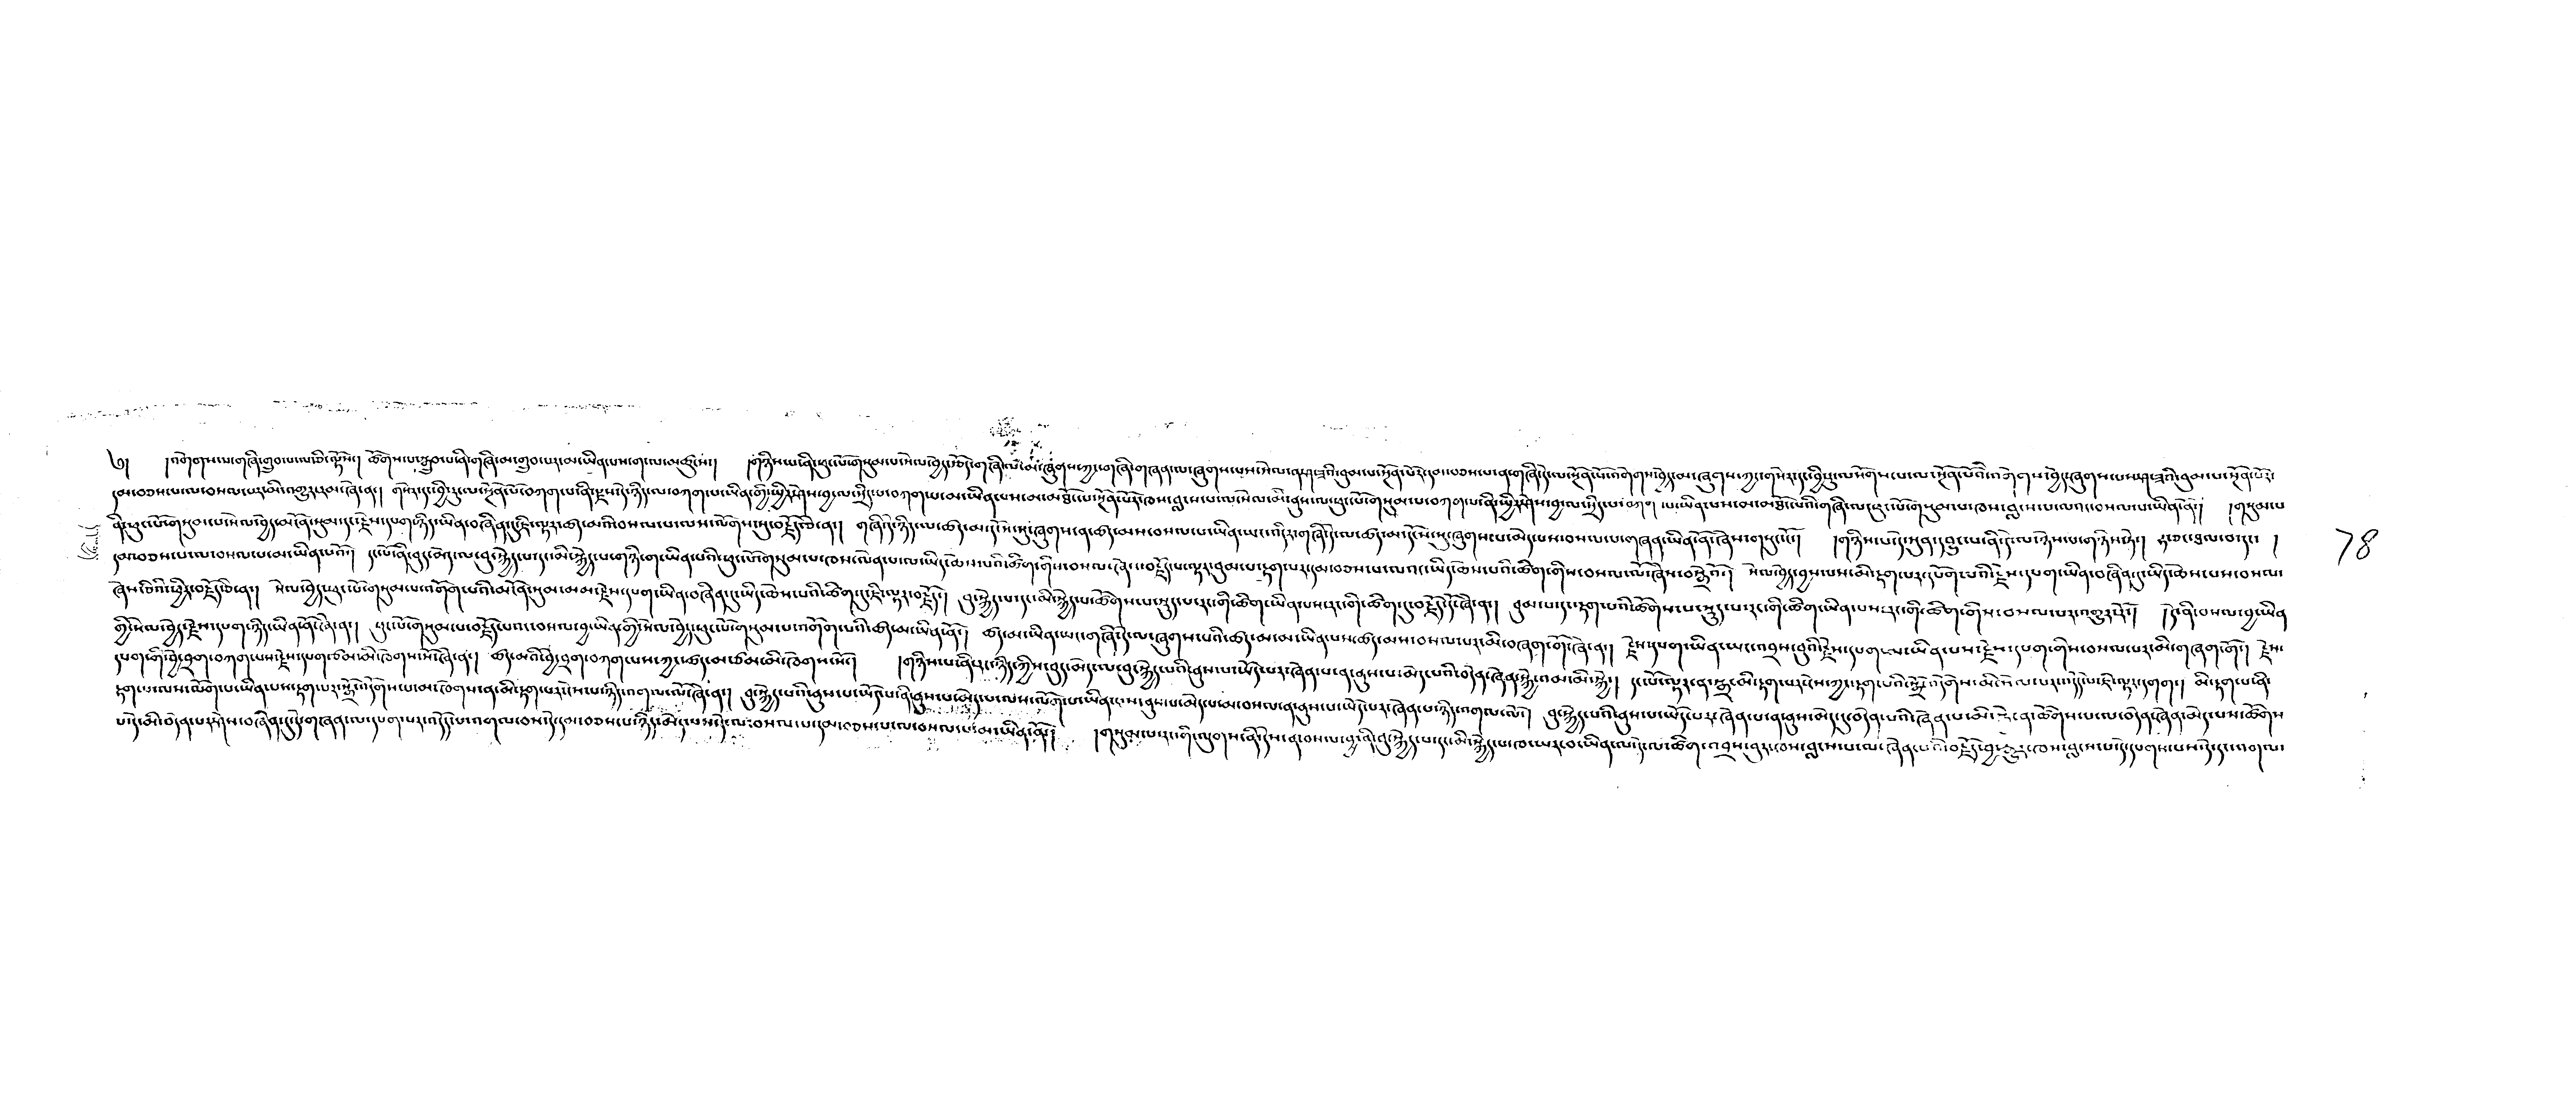༈། །འགེགས་པ་གཞི་གྲུབ་པ་ལ་ཅི་ལྟོས། ཚོགས་པ་སྒྲུབ་པ་ནི་གཞི་མ་གྲུབ་པར་མ་ཡིན་པས་ག་ལ་མཚུངས། །གཉིས་པ་ནི་ཕུང་པོ་གསུམ་པ་སེལ་བྱེད་རྩོད་གཞི་ལ་མ་ཞུགས་ཀྱང་གཞི་གཞན་ལ་ཞུགས་པས་སེལ་ན་ཤ་ཟའི་བུམ་པ་སྔོན་པོར་དམ་བཅས་པ་ན་གཞི་དེ་ལ་སྔོན་པོ་འགེགས་བྱེད་མ་ཞུགས་ཀྱང་གསེར་དང་བྱི་རུ་ལ་སོགས་པ་ལ་སྔོན་པོའི་འགེགས་བྱེད་ཞུགས་པས་ཤ་ཟའི་བུམ་པ་སྔོན་པོར་
དམ་བཅས་པ་ལ་བསལ་པར་མི་འགྱུར་རམ་ཞེ་ན། གསེར་དང་བྱི་རུ་ལ་སྔོན་པོ་བཀག་པ་ནི་རྫས་དེ་ཉིད་ལ་བཀག་པ་ཡིན་གྱི་སྤྱིར་ཤེས་བྱ་ལ་སྲིད་པ་བཀག་པ་མ་ཡིན་པས་མ་མཐོང་པ་སྔོན་པོར་ཁས་བླངས་པ་ལ་སེལ་མི་ནུས་ལ་ཕུང་པོ་གསུམ་པ་བཀག་པ་ནི་སྤྱིར་ཤེས་བྱ་ལ་སྲིད་པ་བཀག་པ་ཡིན་པས་མ་མཐོང་པའི་གཞི་ལ་ཕུང་པོ་གསུམ་པ་ཁས་བླངས་པ་ལའང་བསལ་པ་ཡིན་ནོ། །གསུམ་པ་
ནི་ཕུང་པོ་གསུམ་པ་སེལ་བྱེད་མངོན་སུམ་དང་རྗེས་དཔག་ཉིད་ཡིན་བཞིན་དུ་ཇི་ལྟར་ཚད་མའི་བསལ་པ་ལས་ལོགས་སུ་བརྗོད་ཅེ་ན། གཞི་དེ་ཉིད་ལ་ཚད་མ་དངོས་སུ་ཞུགས་ན་ཚད་མས་བསལ་པ་ཡིན་ཡང་འདིར་གཞི་དེ་ལ་ཚད་མ་དངོས་སུ་ཞུགས་པ་མེད་པས་བསལ་པ་གཞན་ཡིན་ནོ་ཞེས་གསུང་ངོ། །གཉིས་པ་དེ་སུན་དབྱུང་པ་ནི་དེ་ལ་ཉེས་པ་གཉིས་ཏེ། ཧ་ཅང་ཐལ་བ་དང་།
དམ་བཅས་པ་ལ་བསལ་པ་མ་ཡིན་པའོ། དང་པོ་ནི་བུད་མེད་ལ་བུ་སྐྱེད་པ་དང་མི་སྐྱེད་པ་གཉི་ག་ཡིན་པའི་ཕུང་པོ་གསུམ་པ་ཁས་ལེན་པ་ལ་ཡིད་ཆེས་པའི་ཚིག་གིས་བསལ་ཞེས་བརྗོད་པ་ལྟར་བུམ་པ་རྟག་པར་དམ་བཅས་པ་ལའང་ཡིད་ཆེས་པའི་ཚིག་གིས་བསལ་ལོ་ཞེས་བསྒྲེའོ། སེལ་བྱེད་བྱས་པས་མི་རྟག་པར་དཔོག་པའི་རྗེས་དཔག་ཡིན་བཞིན་དུ་ཡིད་ཆེས་པས་བསལ་
ཞེས་ཅིའི་ཕྱིར་བརྗོད་ཅེ་ན། སེལ་བྱེད་ཕུང་པོ་གསུམ་པ་འགོག་པའི་མངོན་སུམ་མམ་རྗེས་དཔག་ཡིན་བཞིན་དུ་ཡིད་ཆེས་པའི་ཚིག་དུ་ཇི་ལྟར་བརྗོད། བུ་སྐྱེད་པ་དང་མི་སྐྱེད་པ་ཚོགས་པ་སྡུད་པ་རང་གི་ཚིག་ཡིན་པས་རང་གི་ཚིག་དུ་བརྗོད་དོ་ཞེ་ན། བུམ་པ་དང་རྟག་པའི་ཚོགས་པ་སྡུད་པ་རང་གི་ཚིག་ཡིན་པས་རང་གི་ཚིག་གིས་བསལ་པར་འགྱུར་རོ། །དེ་ནི་བསལ་བྱ་ཡིན་
གྱི་སེལ་བྱེད་རྗེས་དཔག་ཉིད་ཡིན་ནོ་ཞེ་ན། ཕུང་པོ་གསུམ་པ་བརྗོད་པའང་བསལ་བྱ་ཡིན་གྱི་སེལ་བྱེད་ཕུང་པོ་གསུམ་པ་འགོག་པའི་ཚད་མ་ཡིན་ནོ། ཚད་མ་ཡིན་ཡང་གཞི་དེ་ལ་ཞུགས་པའི་ཚད་མ་མ་ཡིན་པས་ཚད་མས་བསལ་པར་མི་བཞག་གོ་ཞེ་ན། རྗེས་དཔག་ཡིན་ཡང་འབྲས་བུའི་རྗེས་དཔག་ལ་ཡིན་པས་རྗེས་དཔག་གིས་བསལ་པར་མི་གཞག་གོ །རྗེས་
དཔག་གི་བྱེ་བྲག་བཀག་པས་རྗེས་དཔག་ཙམ་མི་ཁེགས་སོ་ཞེ་ན། ཚད་མའི་བྱེ་བྲག་བཀག་པས་ཀྱང་ཚད་མ་ཙམ་མི་ཁེགས་སོ། །གཉིས་པ་ནི་རང་ཉིད་ཀྱིས་བུད་མེད་ལ་བུ་སྐྱེད་པའི་ནུས་པ་ཡོད་པར་ཞེན་པ་ན་ནུས་པ་མེད་པའི་བདེན་ཞེན་སྐྱེ་འམ་མི་སྐྱེ། དང་པོ་ལྟར་ན་སྒྲ་མི་རྟག་པར་ངེས་ཀྱང་རྟག་པའི་སྒྲོ་འདོགས་མི་སེལ་པར་འདོད་པ་ཇི་ལྟར་དགག །མི་རྟག་པ་ནི་
རྟག་པ་ལས་ལོག་པ་ཡིན་པས་རྟག་པར་སྒྲོ་འདོགས་པ་མ་ཁེགས་ན་མི་རྟག་པར་ངེས་པ་ཉིད་འགལ་ལོ་ཞེ་ན། བུ་སྐྱེད་པའི་ནུས་པ་ཡོད་པ་ནི་ནུས་པ་མེད་པ་ལས་ལོག་པ་ཡིན་པས་ནུས་པ་མེད་པ་མ་བསལ་ན་ནུས་པ་ཡོད་པར་ཞེན་པ་ཉིད་འགལ་ལོ། བུ་སྐྱེད་པའི་ནུས་པ་ཡོད་པར་ཞེན་པ་ན་ནུས་མེད་དུ་བདེན་པའི་ཞེན་པ་མི་སྐྱེ་ན་ཚོགས་པ་ལ་བདེན་ཞེན་མེད་པས་ཚོགས་
པ་དེ་མི་བདེན་པར་ཤེས་བཞིན་དུ་དེ་གཞན་ལ་དཔག་པར་འདོད་པ་འགལ་བས་དེ་དམ་བཅས་པ་ཉིད་མེད་པས་དེ་ལ་བསལ་པ་དམ་བཅས་པ་ལ་བསལ་པ་མ་ཡིན་ནོ། །གསུམ་པ་རང་གི་ལུགས་ནི་དེས་ན་བསལ་བྱ་ནི་བུ་སྐྱེད་པ་དང་མི་སྐྱེད་པ་ཁ་ཡར་བ་ཡིན་ལ་དེ་ལ་ཚིག་འབྲས་བུར་ཁས་བླངས་པ་ལ་ཞེན་པའི་བརྗོད་བྱ་རྒྱུར་ཁས་བླངས་པ་དེ་དཔགས་པས་དེ་དང་འགལ་